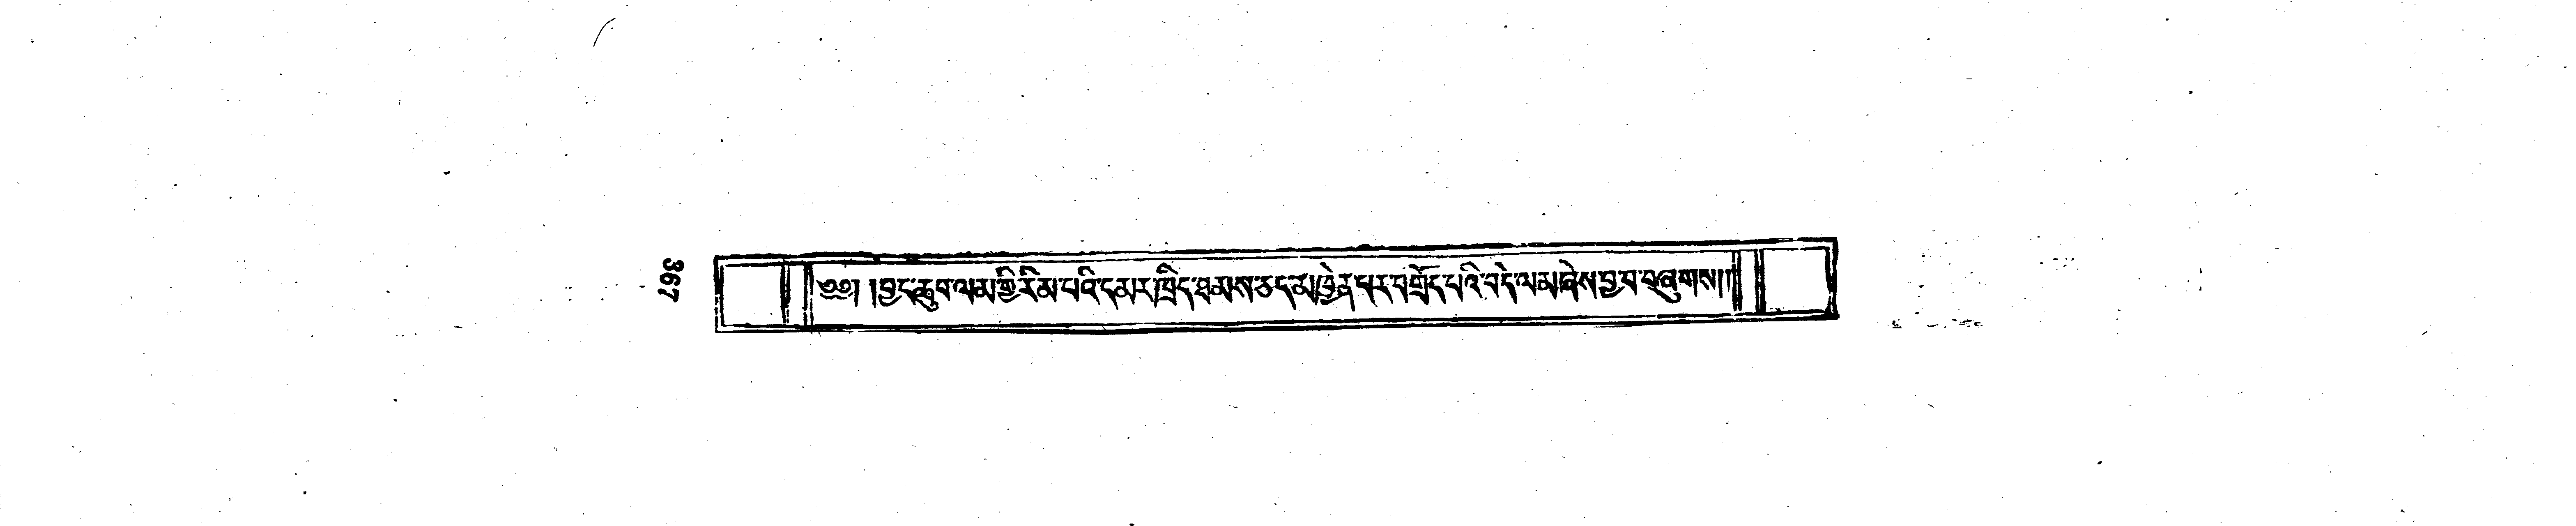༄༅། །བྱང་ཆུབ་ལམ་གྱི་རིམ་པའི་དམར་ཁྲིད་ཐམས་ཅད་མཁྱེན་པར་བགྲོད་པའི་བདེ་ལམ་ཞེས་བྱ་བ་བཞུགས།།